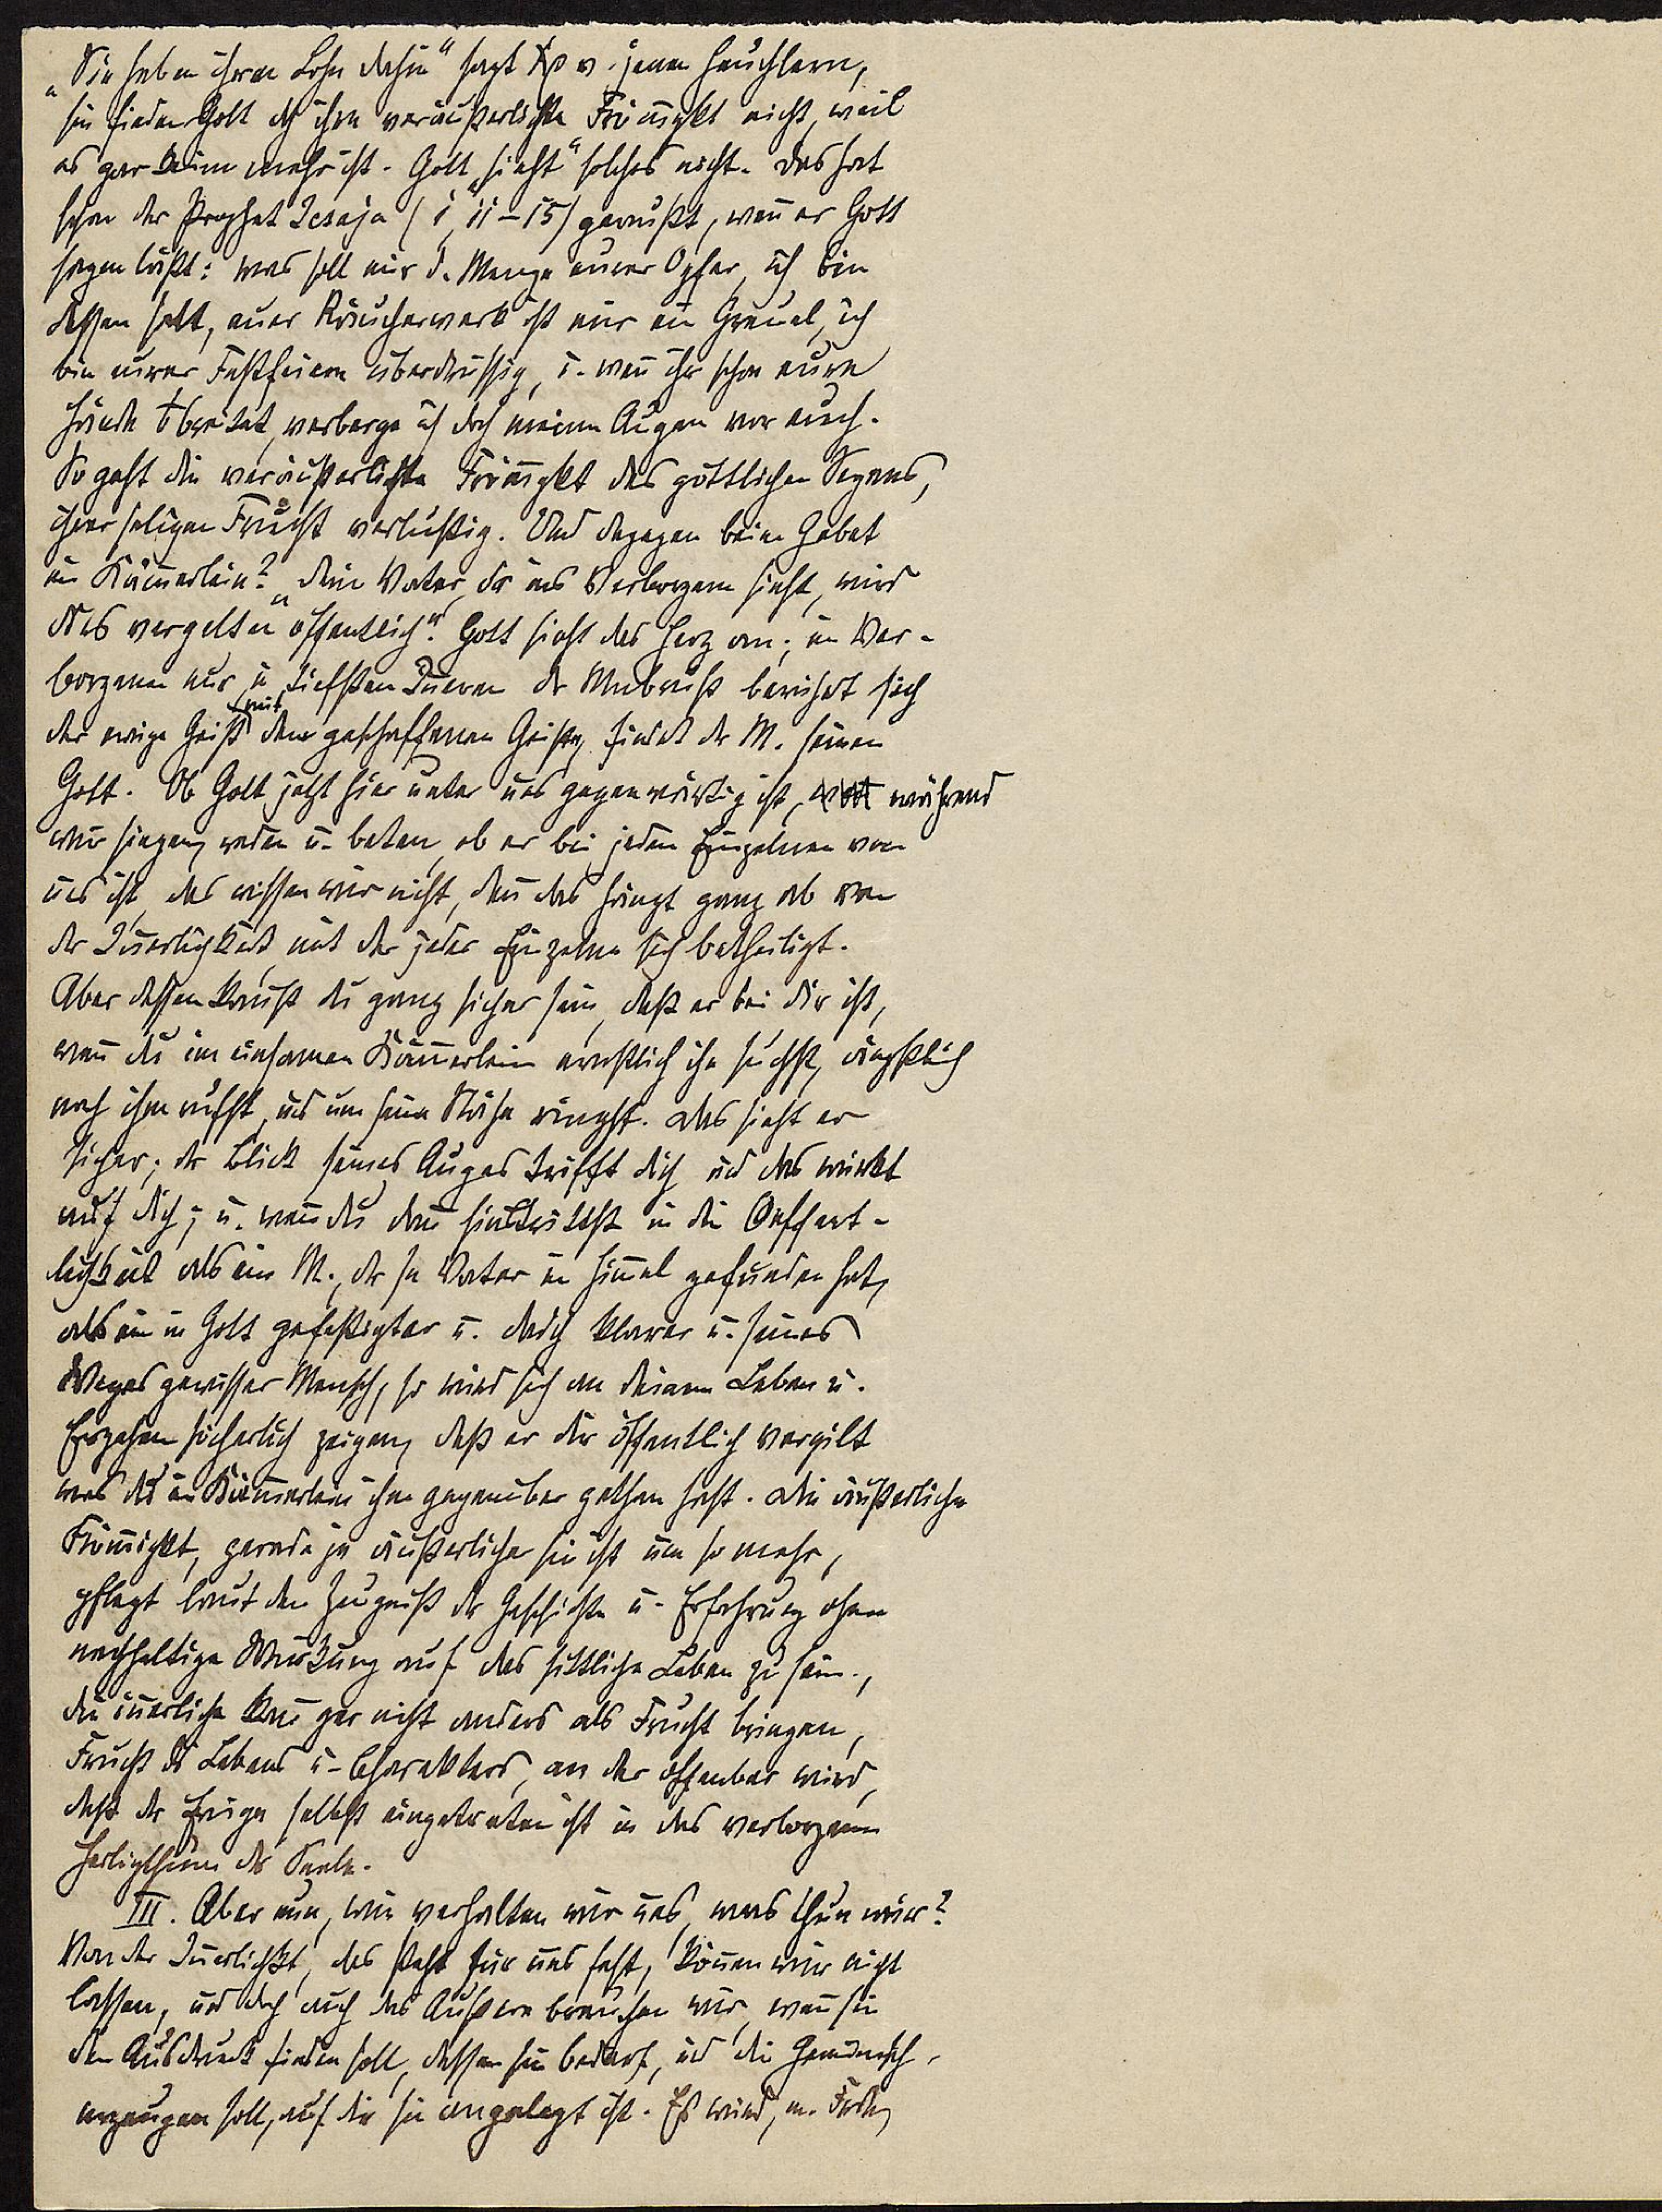"Sie haben ihren Lohn dafür" sagt Χρ v. jenen Heuchlern,
sie finden Gott dch ihre veräußerlichte Frömigkt nicht, weil
es gar keine mehr ist. Gott "sieht" solches nicht. Das hat
schon der Prophet Jesaj (1,11-15) gewußt, wen er Gott
sagen läßt: was soll nur d. Menge eurer Opfer, ich bin
dessen satt, euer Räucherwerk ist nur ein Greuel, ich
bin eurer Festfeiern überdrüssig, u. wen ihr schon eure
Häute sbreitet, verberg ich doch meine Augen vor euch.
So geht die veräußerlichte Frömigkt des göttlichen Segens,
ihrer seligen Frucht verlustig. Und dagegen beim Gebet
im Kämerlein? "Dein Vater, der ins Verborgene sieht, wird
dirs vergelten öffentlich" Gott sieht das Herz an; im Ver¬
borgenen aus, im tiefsten Inern dr Mnbrust bewährt sich
mit
der ewige Geist dem geschaffenen Geist, findet dr M. seinen
Gott. Ob Gott jetzt hier unter uns gegenwärtig ist, wo während
wir sinden, reden u. beten, ob er bei jedem Einzelnen von
uns ist, das wissen wir nicht, den das hängt ganz ab von
der Inerlichkeit mit der jeder Einzelne sich bethätigt.
Aber dessen kanst du ganz sicher sein, daß er bei dir ist,
wen du im einsamen Kämerlein ernstlich ihn suchst, ängstlich
nach ihm rufst, und um seine Nähe ringst. Das sieht er
sicher; der Blick seiner Augen trifft dich und das wirkt
auf dich; u. wen du dan hinstrittst in die Oeffent¬
lichkeit als ein M., dr sn Vater im Himel gefunden hat,
als ein in Gott gefestigter u. dadch klarer u. seines
Weges gewisser Mensch, so wird sich an deinem Leben u.
Ergehen sicherlich zeigen, daß er dir öffentlich vergilt
was du im Kämerlein ihm gegenüber gethan hast. Die äußerliche
Frömigkeit, gerade ja äußerliche sie ist um so mehr,
pflegt laut dem Zeugniß der Geschichte u. Erfahrung ohne
nachhaltige Wirkung auf das sittliche Leben zu sein,
die inerliche kan gar nicht anders als Fruch bringen,
Frucht ds Lebens u. Charakters, an der offenbar wird,
daß dr. Ewige selbst eingetreten ist in das verborgene
Heiligthum dr Seele.
III. Aber nun, wie verhalten wir uns, was thun wir?
Von der Inerlichkt, des steht für uns fest, könen wir nicht
lassen, und dch auch das Äußere brauchen wir, wen sie
den Ausdruck finden soll, dess sie bedarf, und die Gemeinschaft,
erzeugen soll, auf die sie angelegt ist. Es wird, m. Frde,